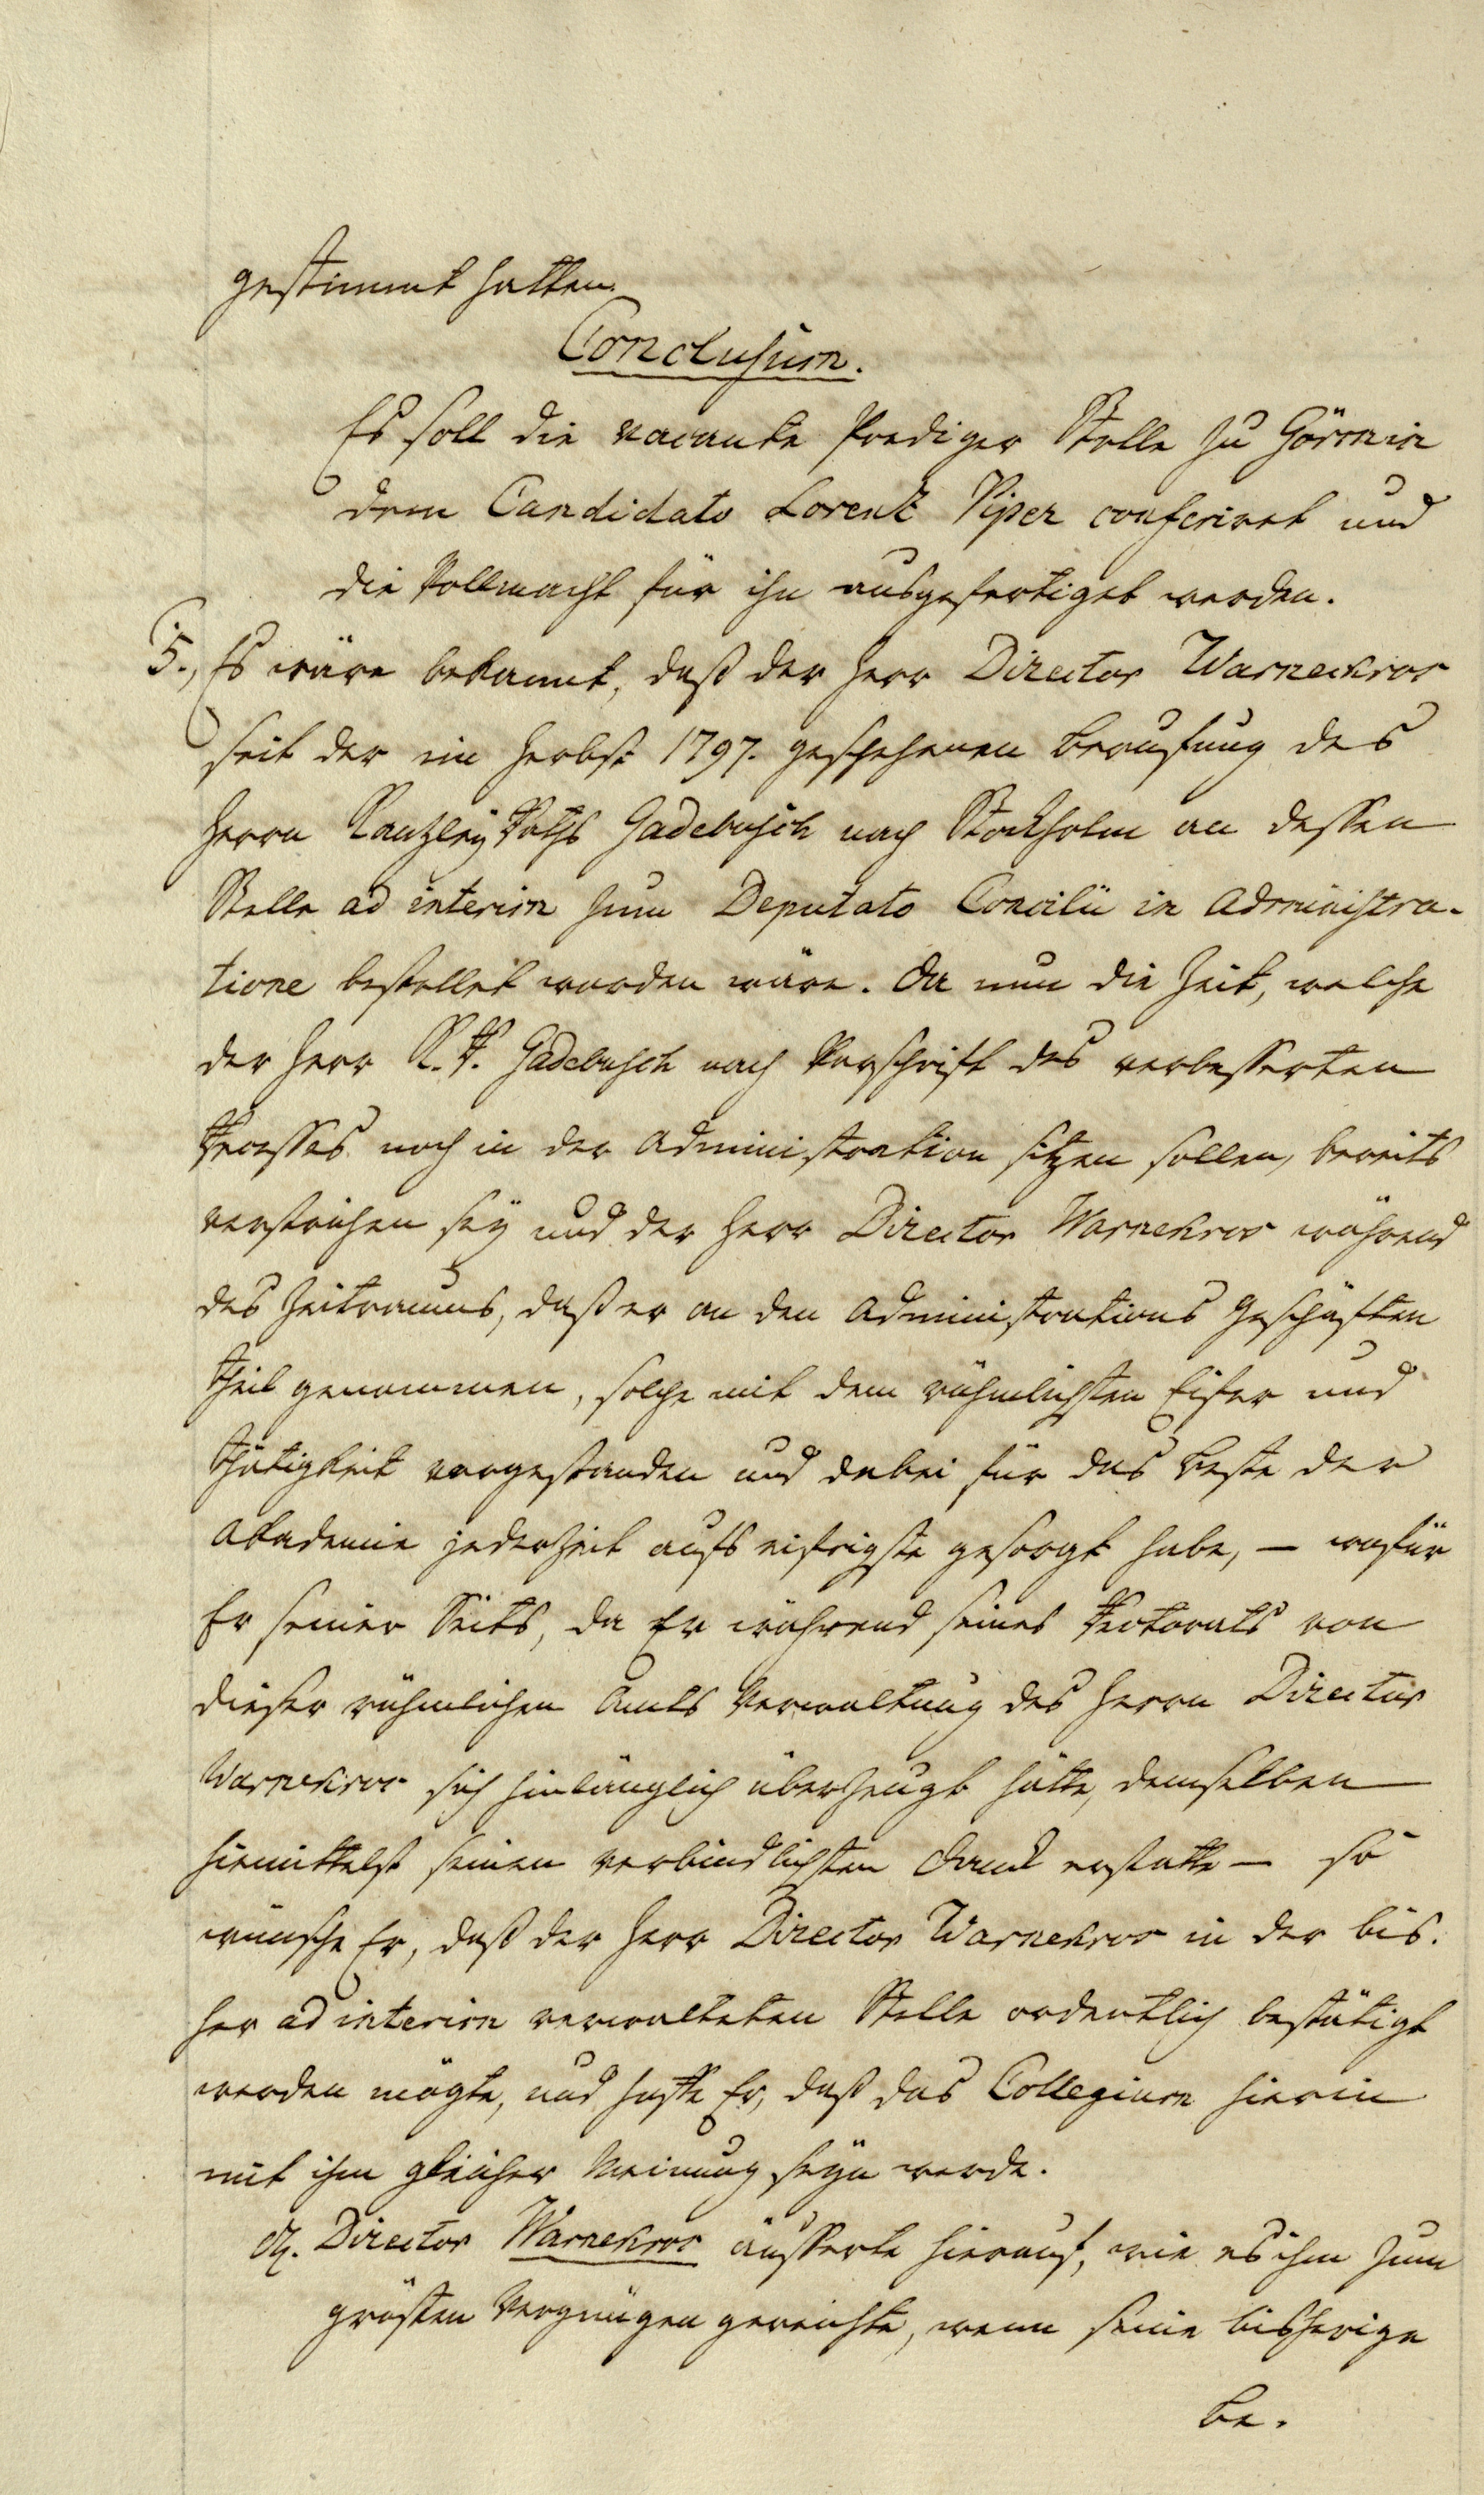gestimmt hatten.
Conclusum.
Es soll die vacante Prediger Stelle zu Görmin
dem Candidato Lorenz Piper conferiret und
die Vollmacht für ihn ausgefertiget werden.
3., Es wäre bekannt, daß der Herr Director Warneckros
seit der im Herbst 1797. geschehenen Berufung des
Herrn Kanzley Raths Gadebusch nach Stockholm an dessen
Stelle ad interim zum Deputato Concilii in Administra-
tione bestellet würden wäre. Da nun die Zeit, welche
der Herr K. R. Gadebusch nach Vorschrift des verbesserten
Recesses noch in der Administration sitzen sollen, bereits
verstrichen seÿ und der Herr Director Warnekros während
des Zeitraums, daß er an den Administrations Geschäften
Theil genommen, solche mit dem rühmlichsten Eifer und
Thätigkeit vorgestanden und dabei für das Beste der
Akademie jederzeit aufs eifrigste gesorgt habe, wofür
Er seiner Seits, da Er während seines Rectorats von
dieser rühmlichen Amts Verwaltung des Herrn Director
Warneckros sich hinlänglich überzeugt hätte, demselben
hiemittelst seinen verbindlichsten Danck erstatte so
wünsche Er, daß der Herr Director Warnekros in der bis¬
her ad interim verwalteten Stelle ordentlich bestätigt
werden mögte, und hoffe Er, daß das Collegium hierin
mit ihm gleicher Meinung seÿn werde.
dh. Director Warnekros äusserte hierauf, wie es ihm zum
größten Vergnügen gereichte, wenn seine bisherige
Be¬